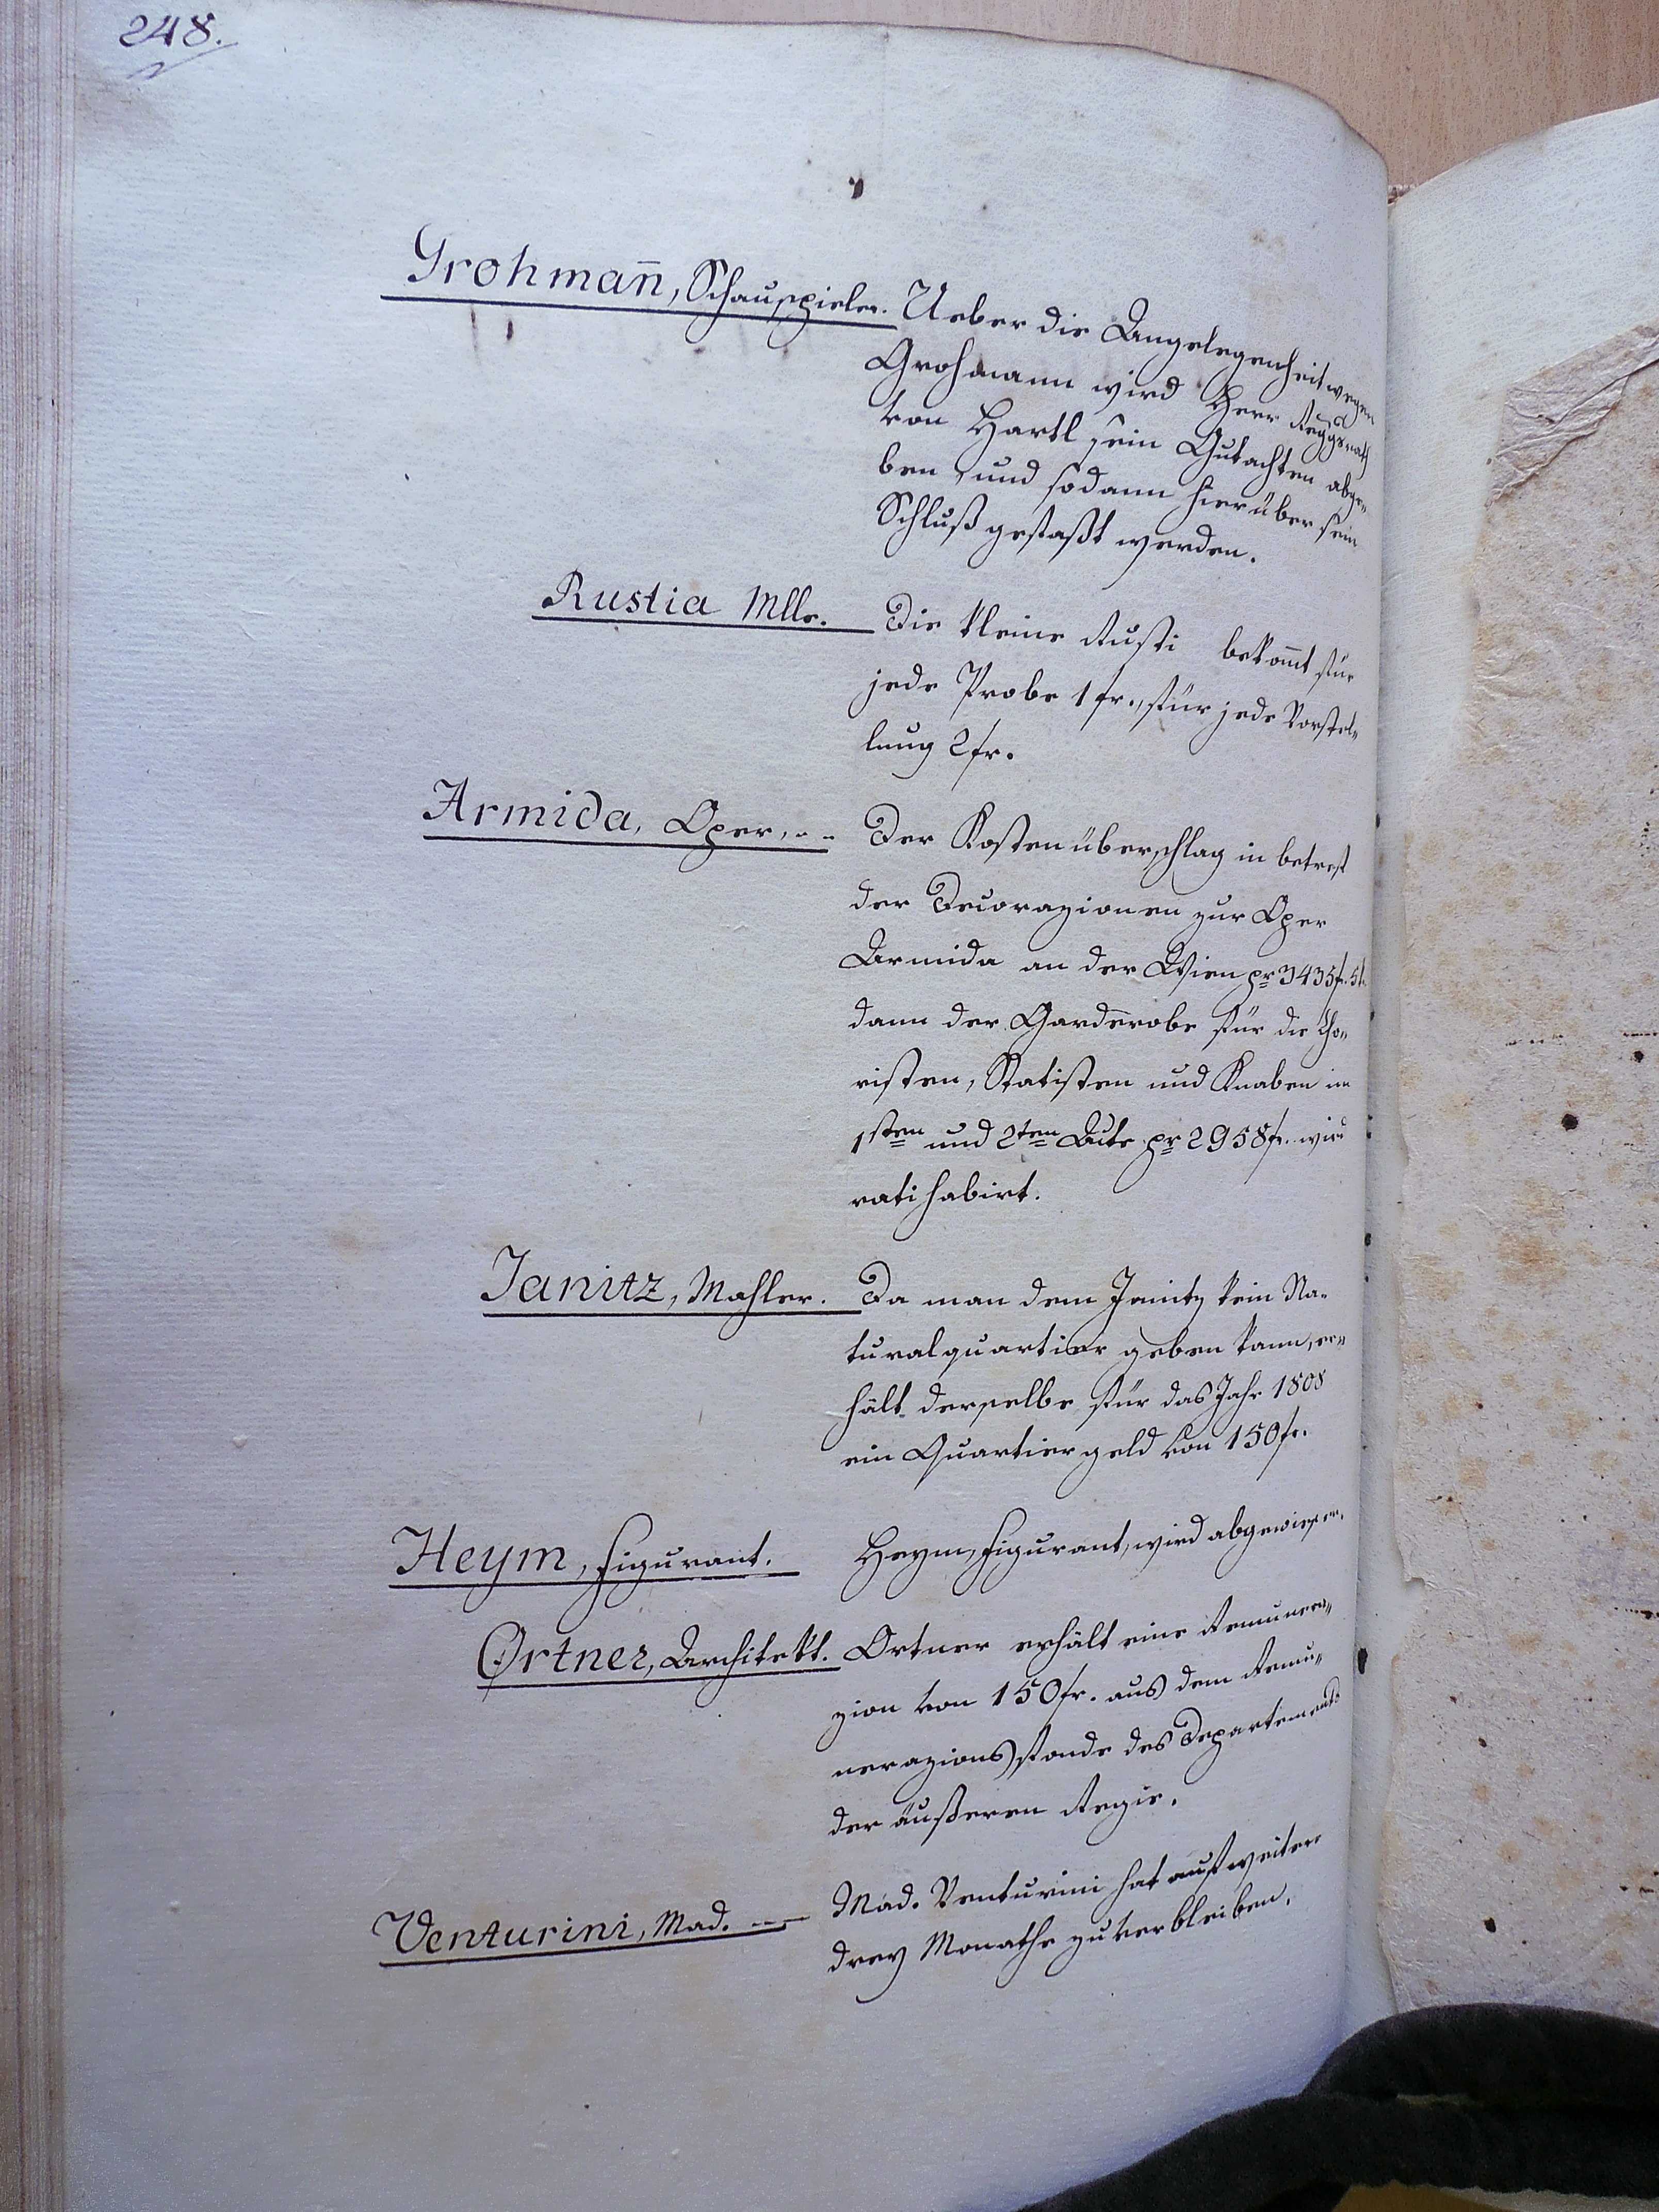248.
Grohman̅, Schauspieler. Ueber die Angelegenheit wegen
Grohmann wird Herr Reg͞gsrath
von Hartl sein Gutachten abge¬
ben, und sodann hierüber sein
Schluß gefaßt werden.
Rustia Mlle. Die kleine Rusti bekom̅t für
jede Probe 1fr., für jede Vorstel¬
lung 2fr.
Armida, Oper, .. .. Der Kostenüberschlag in betref
der Decorazionen zur Oper
Armida an der Wien pr͇ 3435fr. 5kr.
dann der Garderobe für die Cho¬
risten, Statisten und Knaben im
1ste͇n und 2te͇n Acte pr͇ 2958fr. wird
ratihabirt.
Janitz, Mahler. Da man dem Janitz kein Na¬
turalquartier geben kann, er¬
hält derselbe für das Jahr 1808
ein Quartiergeld von 150fr.
Heym, Figurant. Heym, Figurant, wird abgewiesen.
Ortner, Architekt. Ortner erhält eine Remunera¬
zion von 150fr. aus dem Remu¬
nerazionsfonde des Departments
der äußeren Regie.
Venturini, Mad. .. __ Mad. Venturini hat auf weitere
drey Monathe zuverbleiben.